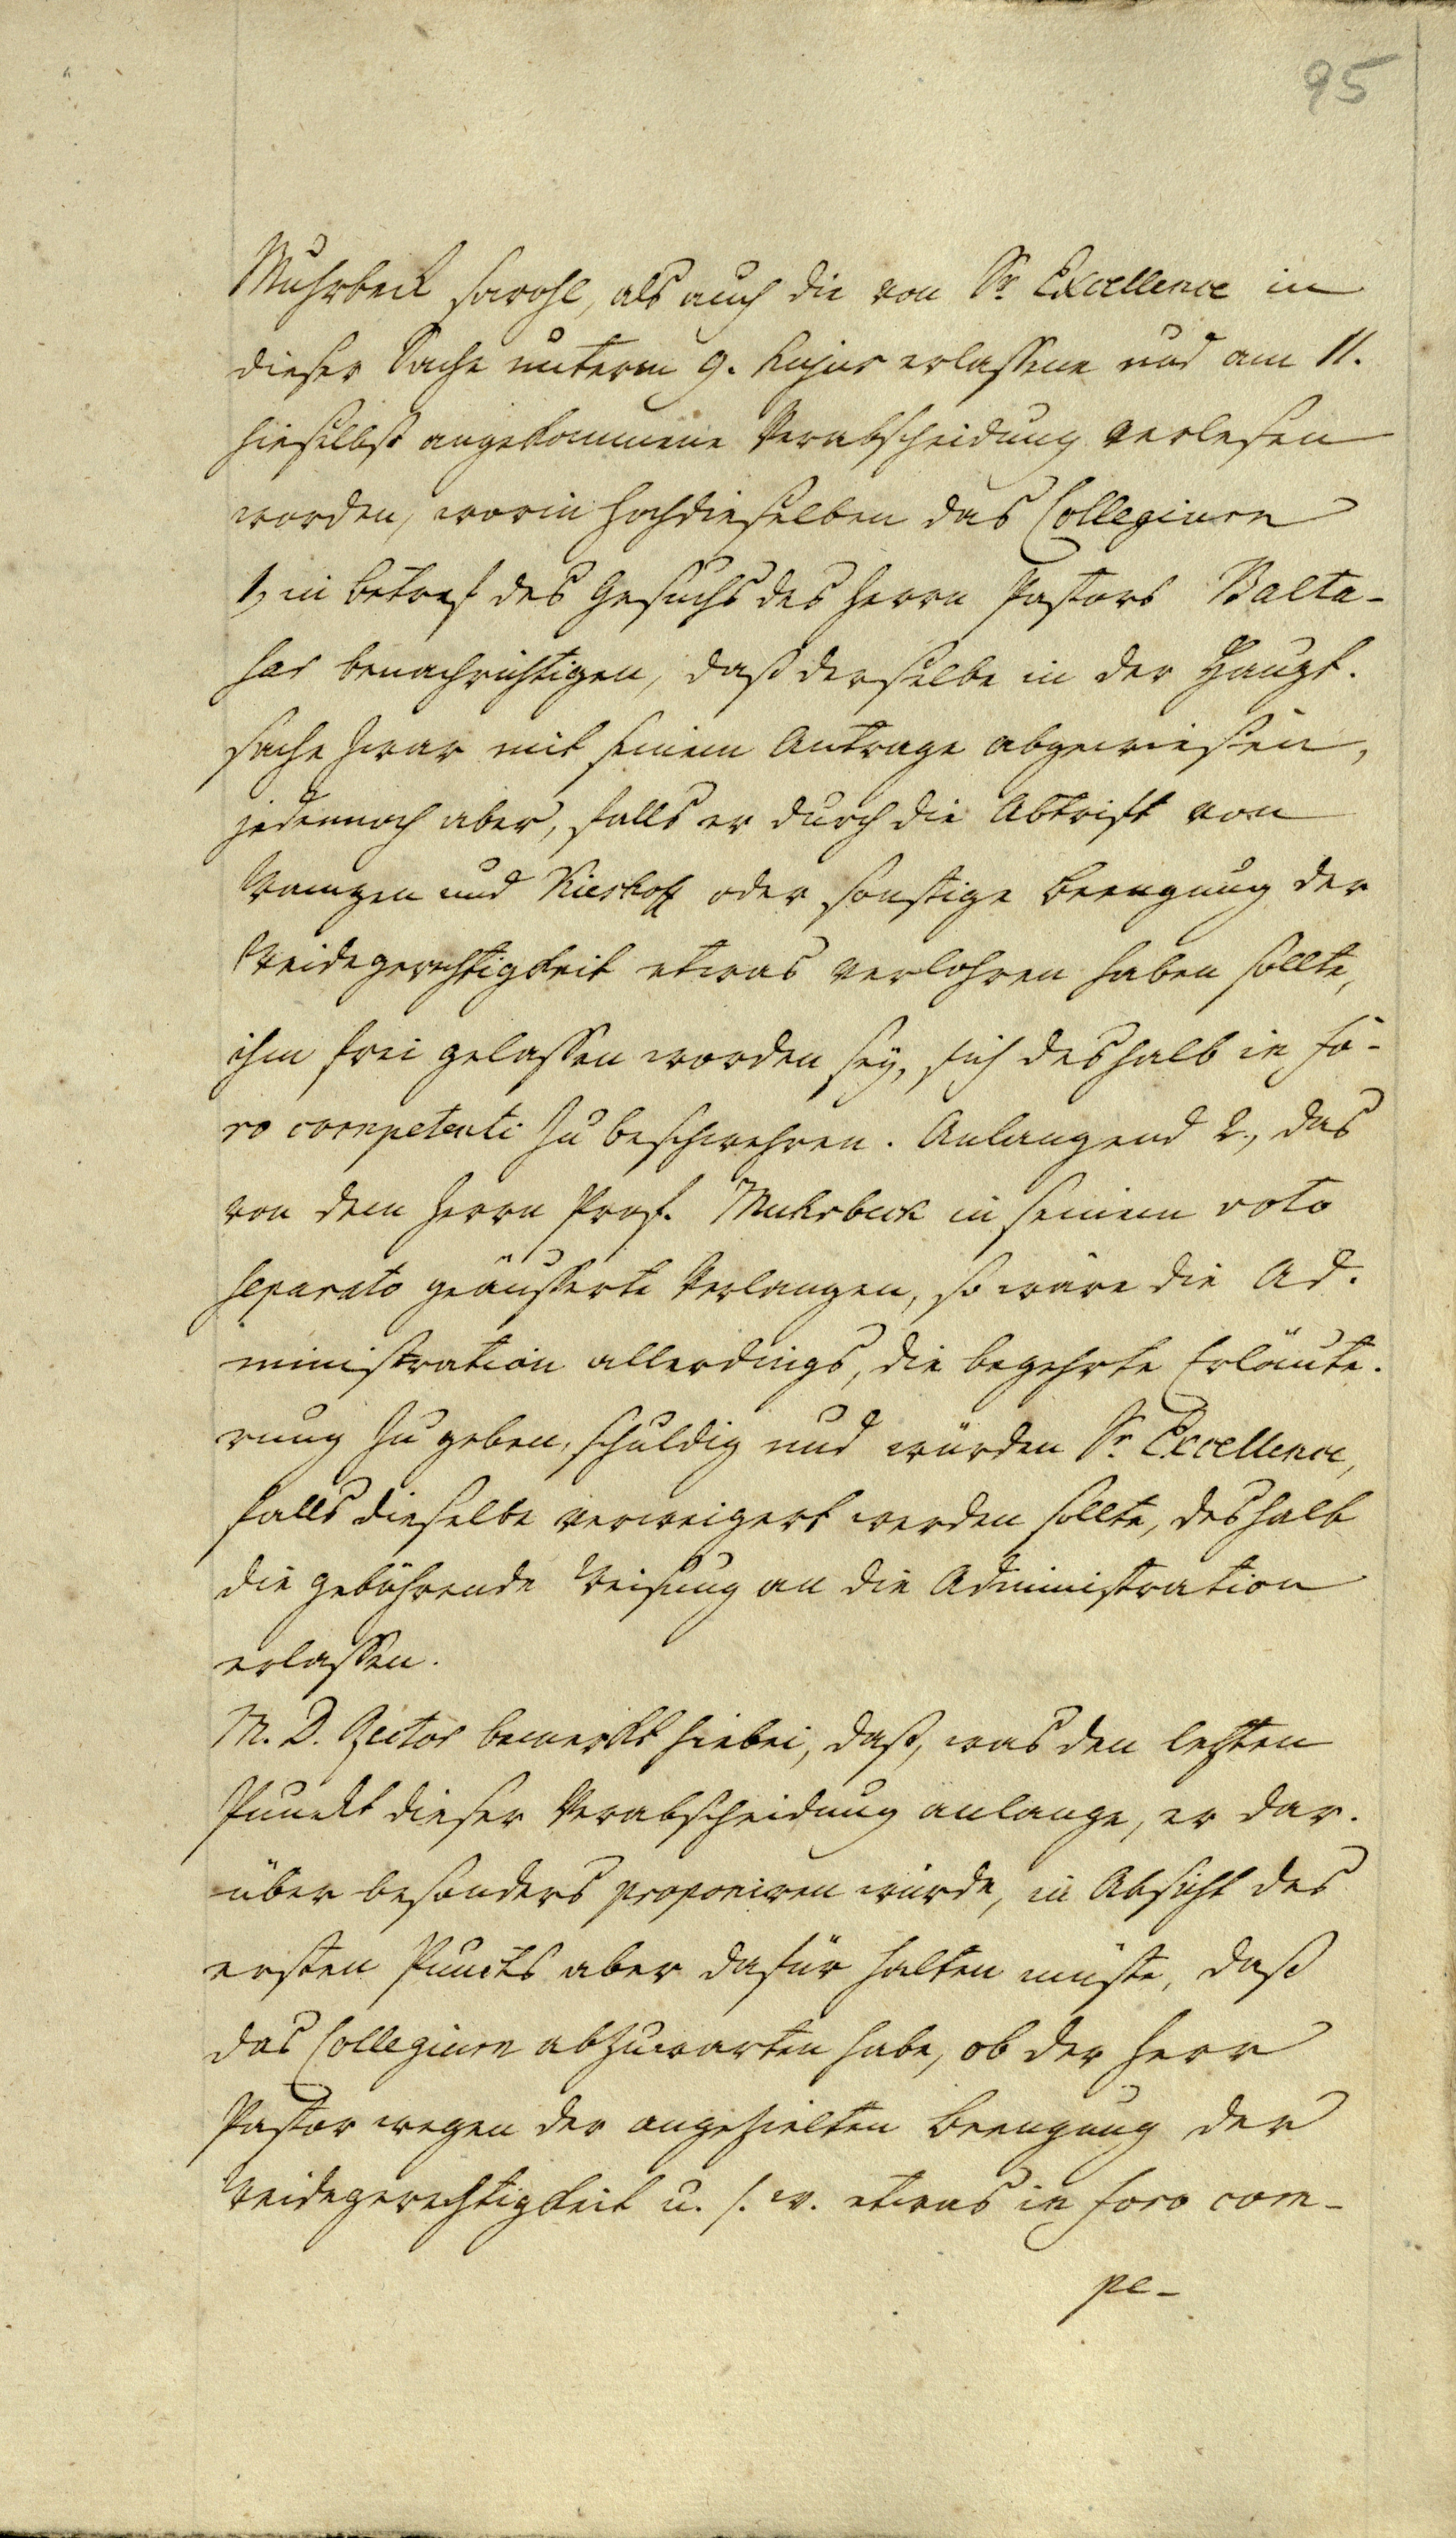Muhrbeck sowohl, als auch die von Sr Excellence in
dieser Sache unterm 9. hujus erlassene und am 11.
hieselbst angekommene Verabscheidung verlesen
worden, worin hochdieselben das Collegium
1. in betref des Gesuchs des Herrn Pastors Balta¬
sar benachrichtigen, daß derselbe in der Haupt¬
sache zwar mit seinem Antrage abgewiesen,
jedennoch aber, falls er durch die Abtrift von
Wampen und Kieshoff oder sonstige Beengung der
Weidegerechtigkeit etwas verlohren haben sollte,
ihm frei gelassen worden seÿ, sich deshalb in Fo¬
so competenti zu beschwehren. Anlangend 2., das
von dem Herrn Prof. Muhrbeck in seinem voto
separato geäusserte Verlangen, so wäre die Ad¬
ministration allerdings, die begehrte Erläute¬
rung zu geben schuldig und würden Sr Excellence,
falls dieselbe verweigert werden sollte, deshalb
die gebührende Weisung an die Administration
erlassen.
M. D. Rector bemerkt hiebei, daß, was den letzten
Punckt dieser Verabscheidung anlange, er dar¬
über besonders proponiren würde, in Absicht des
ersten Puncts aber dafür halten müßte, daß
das Collegium abzuwarten habe, ob der Herr
Pastor wegen der angezielten Beengung der
Weidegerechtigkeit u. s. w. etwas in foro com¬
pe¬